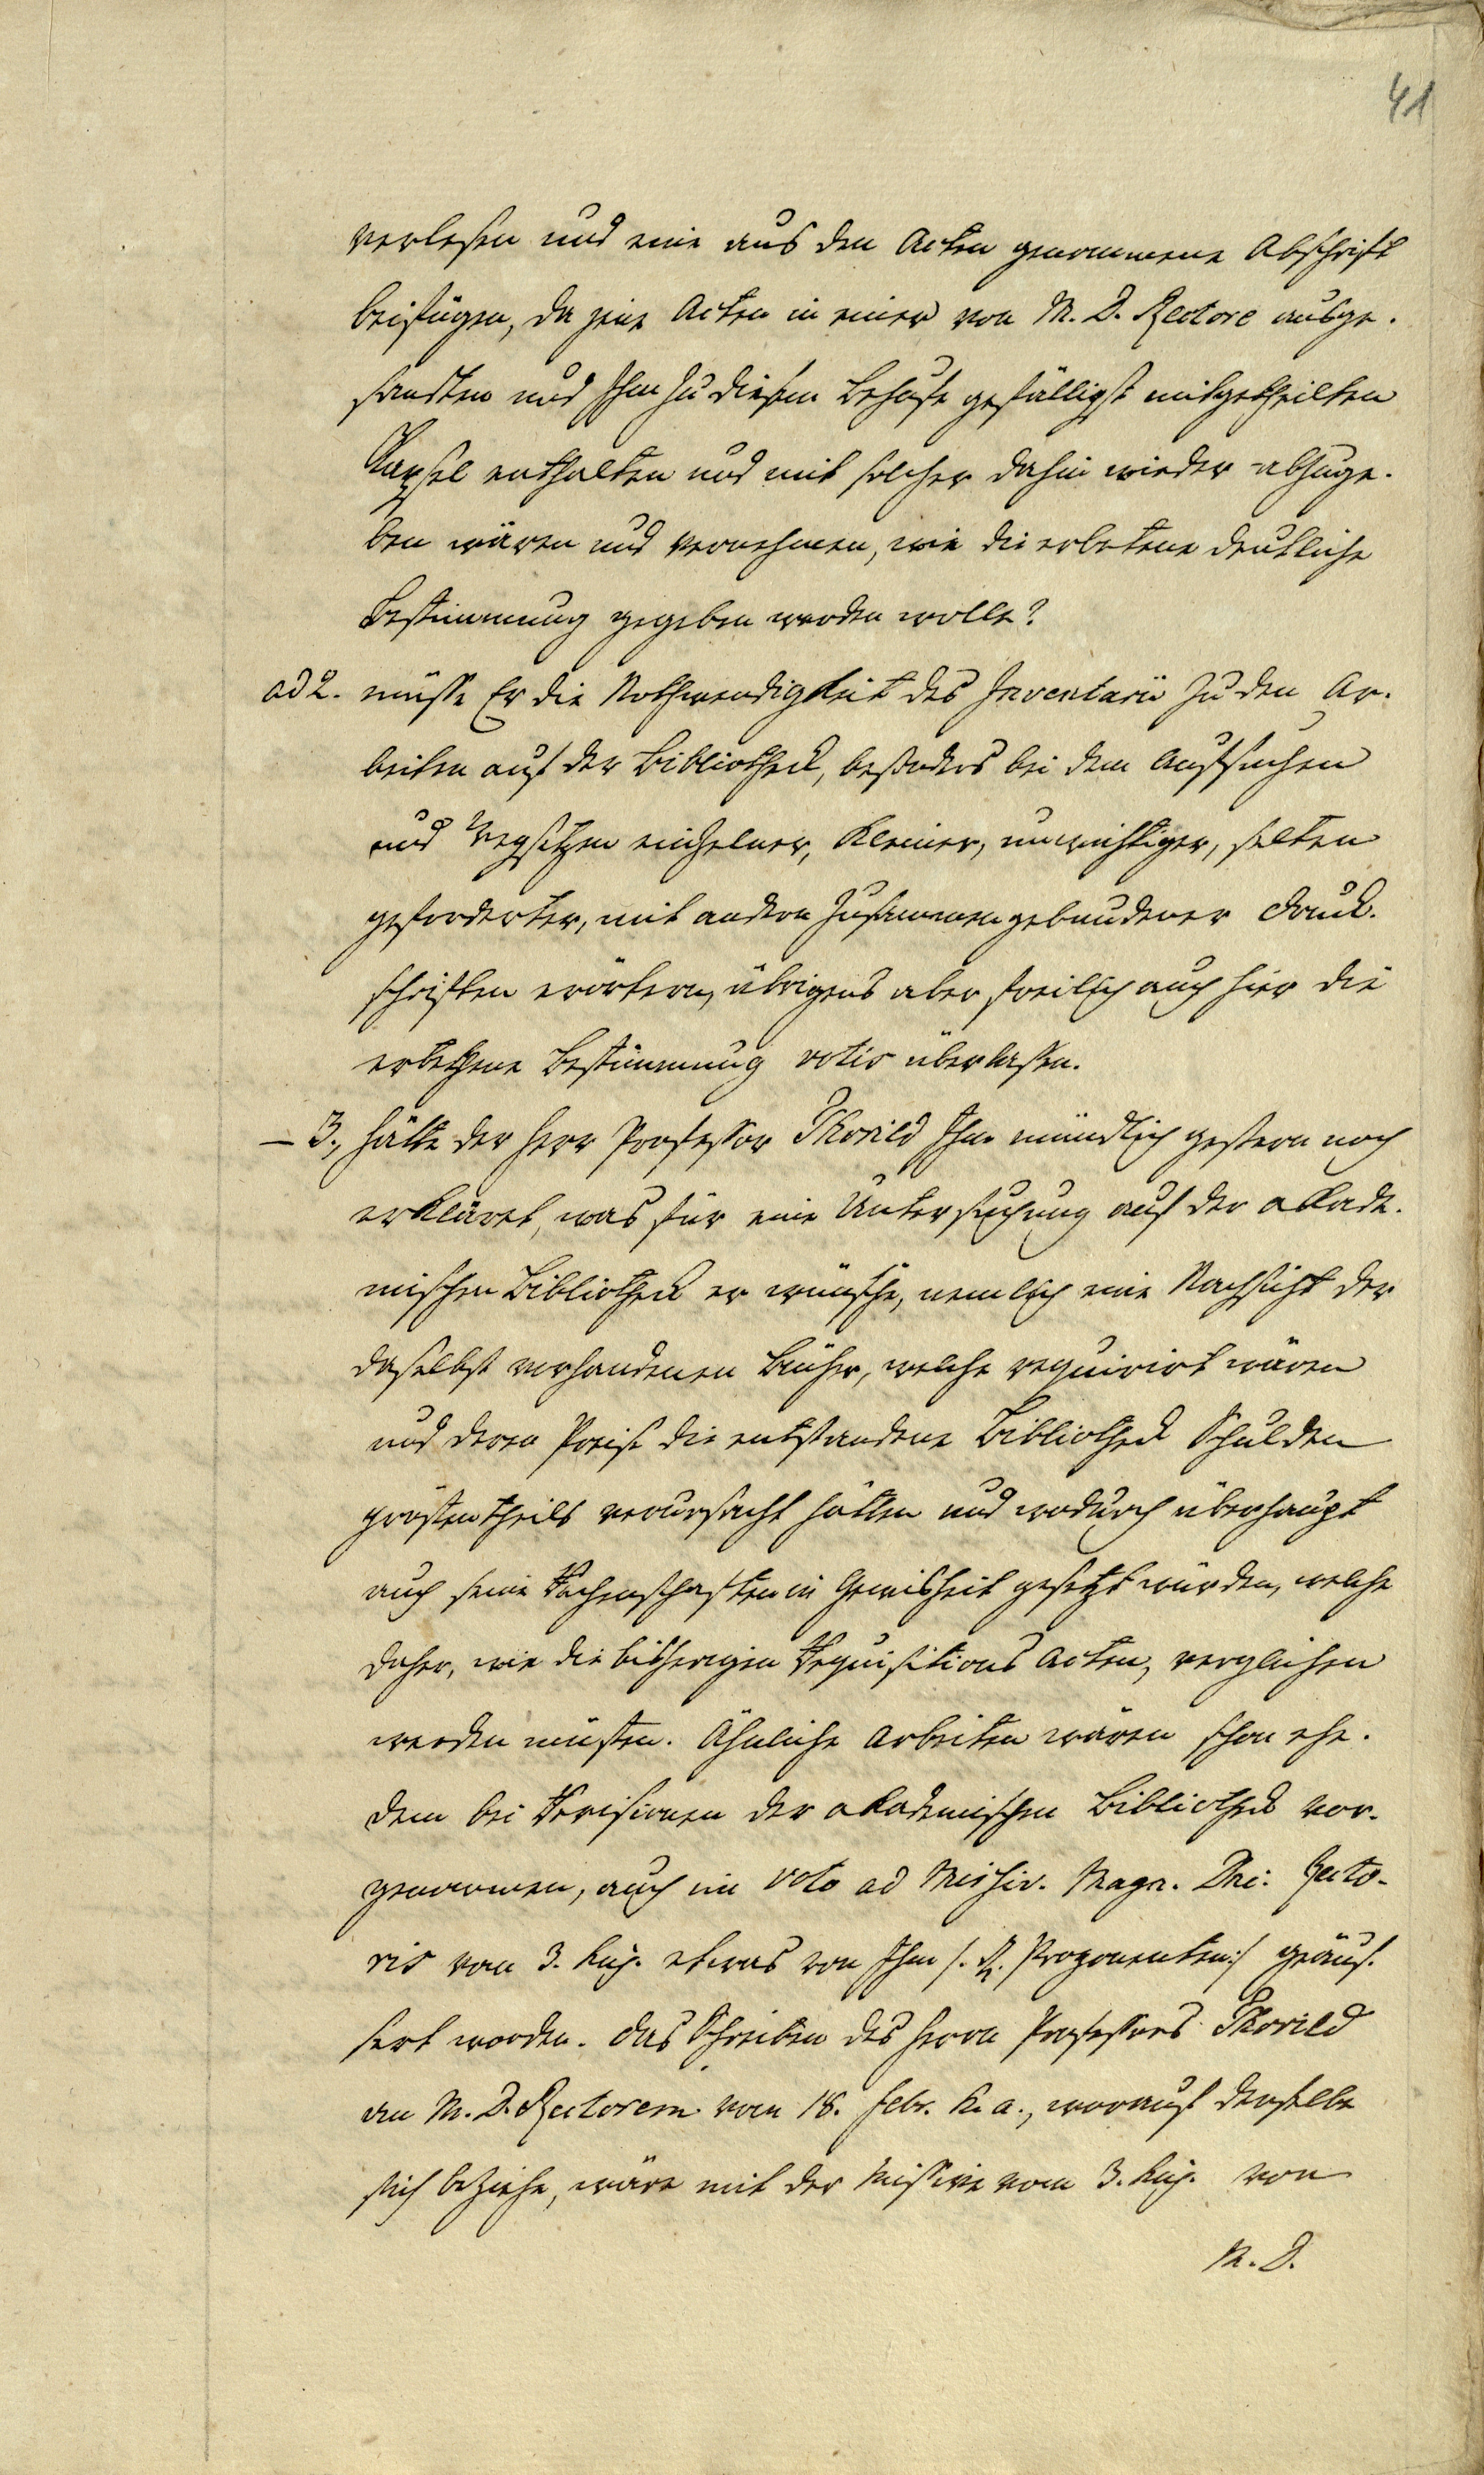verlesen und eine aus den Acten genommene Abschrift
beifügen, da jene Acten in einer von M. D. Rectore ausge¬
sandten und Ihm zu diesem Behufe gefälligst mitgetheilten
Kapsel enthalten und mit solcher dahin wieder abzuge¬
ben wären und vernehmen, wie die erbetene deutliche
Bestimmung gegeben werden wolle?
ad 2. müsse Er die Nothwendigkeit des Inventario zu den Ar¬
beiten auf der Bibliotheck, besonders bei dem Aufsuchen
und Wegsetzen einzelner, kleiner, unwichtiger, selten
geforderter, mit andern zusamnengebundener Druck¬
schriften erörtern, übrigens aber freilich auch hier die
erbethene Bestimmung votis überlassen.
3., hätte der Herr Professor Thorild ihm mündlich gestern noch
erkläret, was für eine Untersuchung auf der akade¬
mischen Bibliotheck er wünsche, nemlich eine Nachsicht der
daselbst vorhandenen Bücher, welche requirirt wären
und deren Preise die entstandene Bibliothek Schulden
gröstentheils verursacht hätten und wodurch überhaupt
auch seine Rechenschaften in Gewisheit gesetzt würden, welche
daher, wie die bisherigen Requisitions Acten, verglichen
werden müsten. Ähnliche Arbeiten wären schon ehe¬
dem bei Revisionen der akademischen Bibliothek vor¬
genommen, auch in voto ad Missiv. Magn. Dni. Recto¬
ris von 3. huj. etwas von Ihm /. dh. Proponenten:/ geäus¬
sert worden. Das Schreiben des Herrn Professors Thorild
an M. D. Rectorem von 18. Febr. h. a., worauf derselbe
sich beziehe, wäre mit der Missive vom 3. huj. von
M. D.